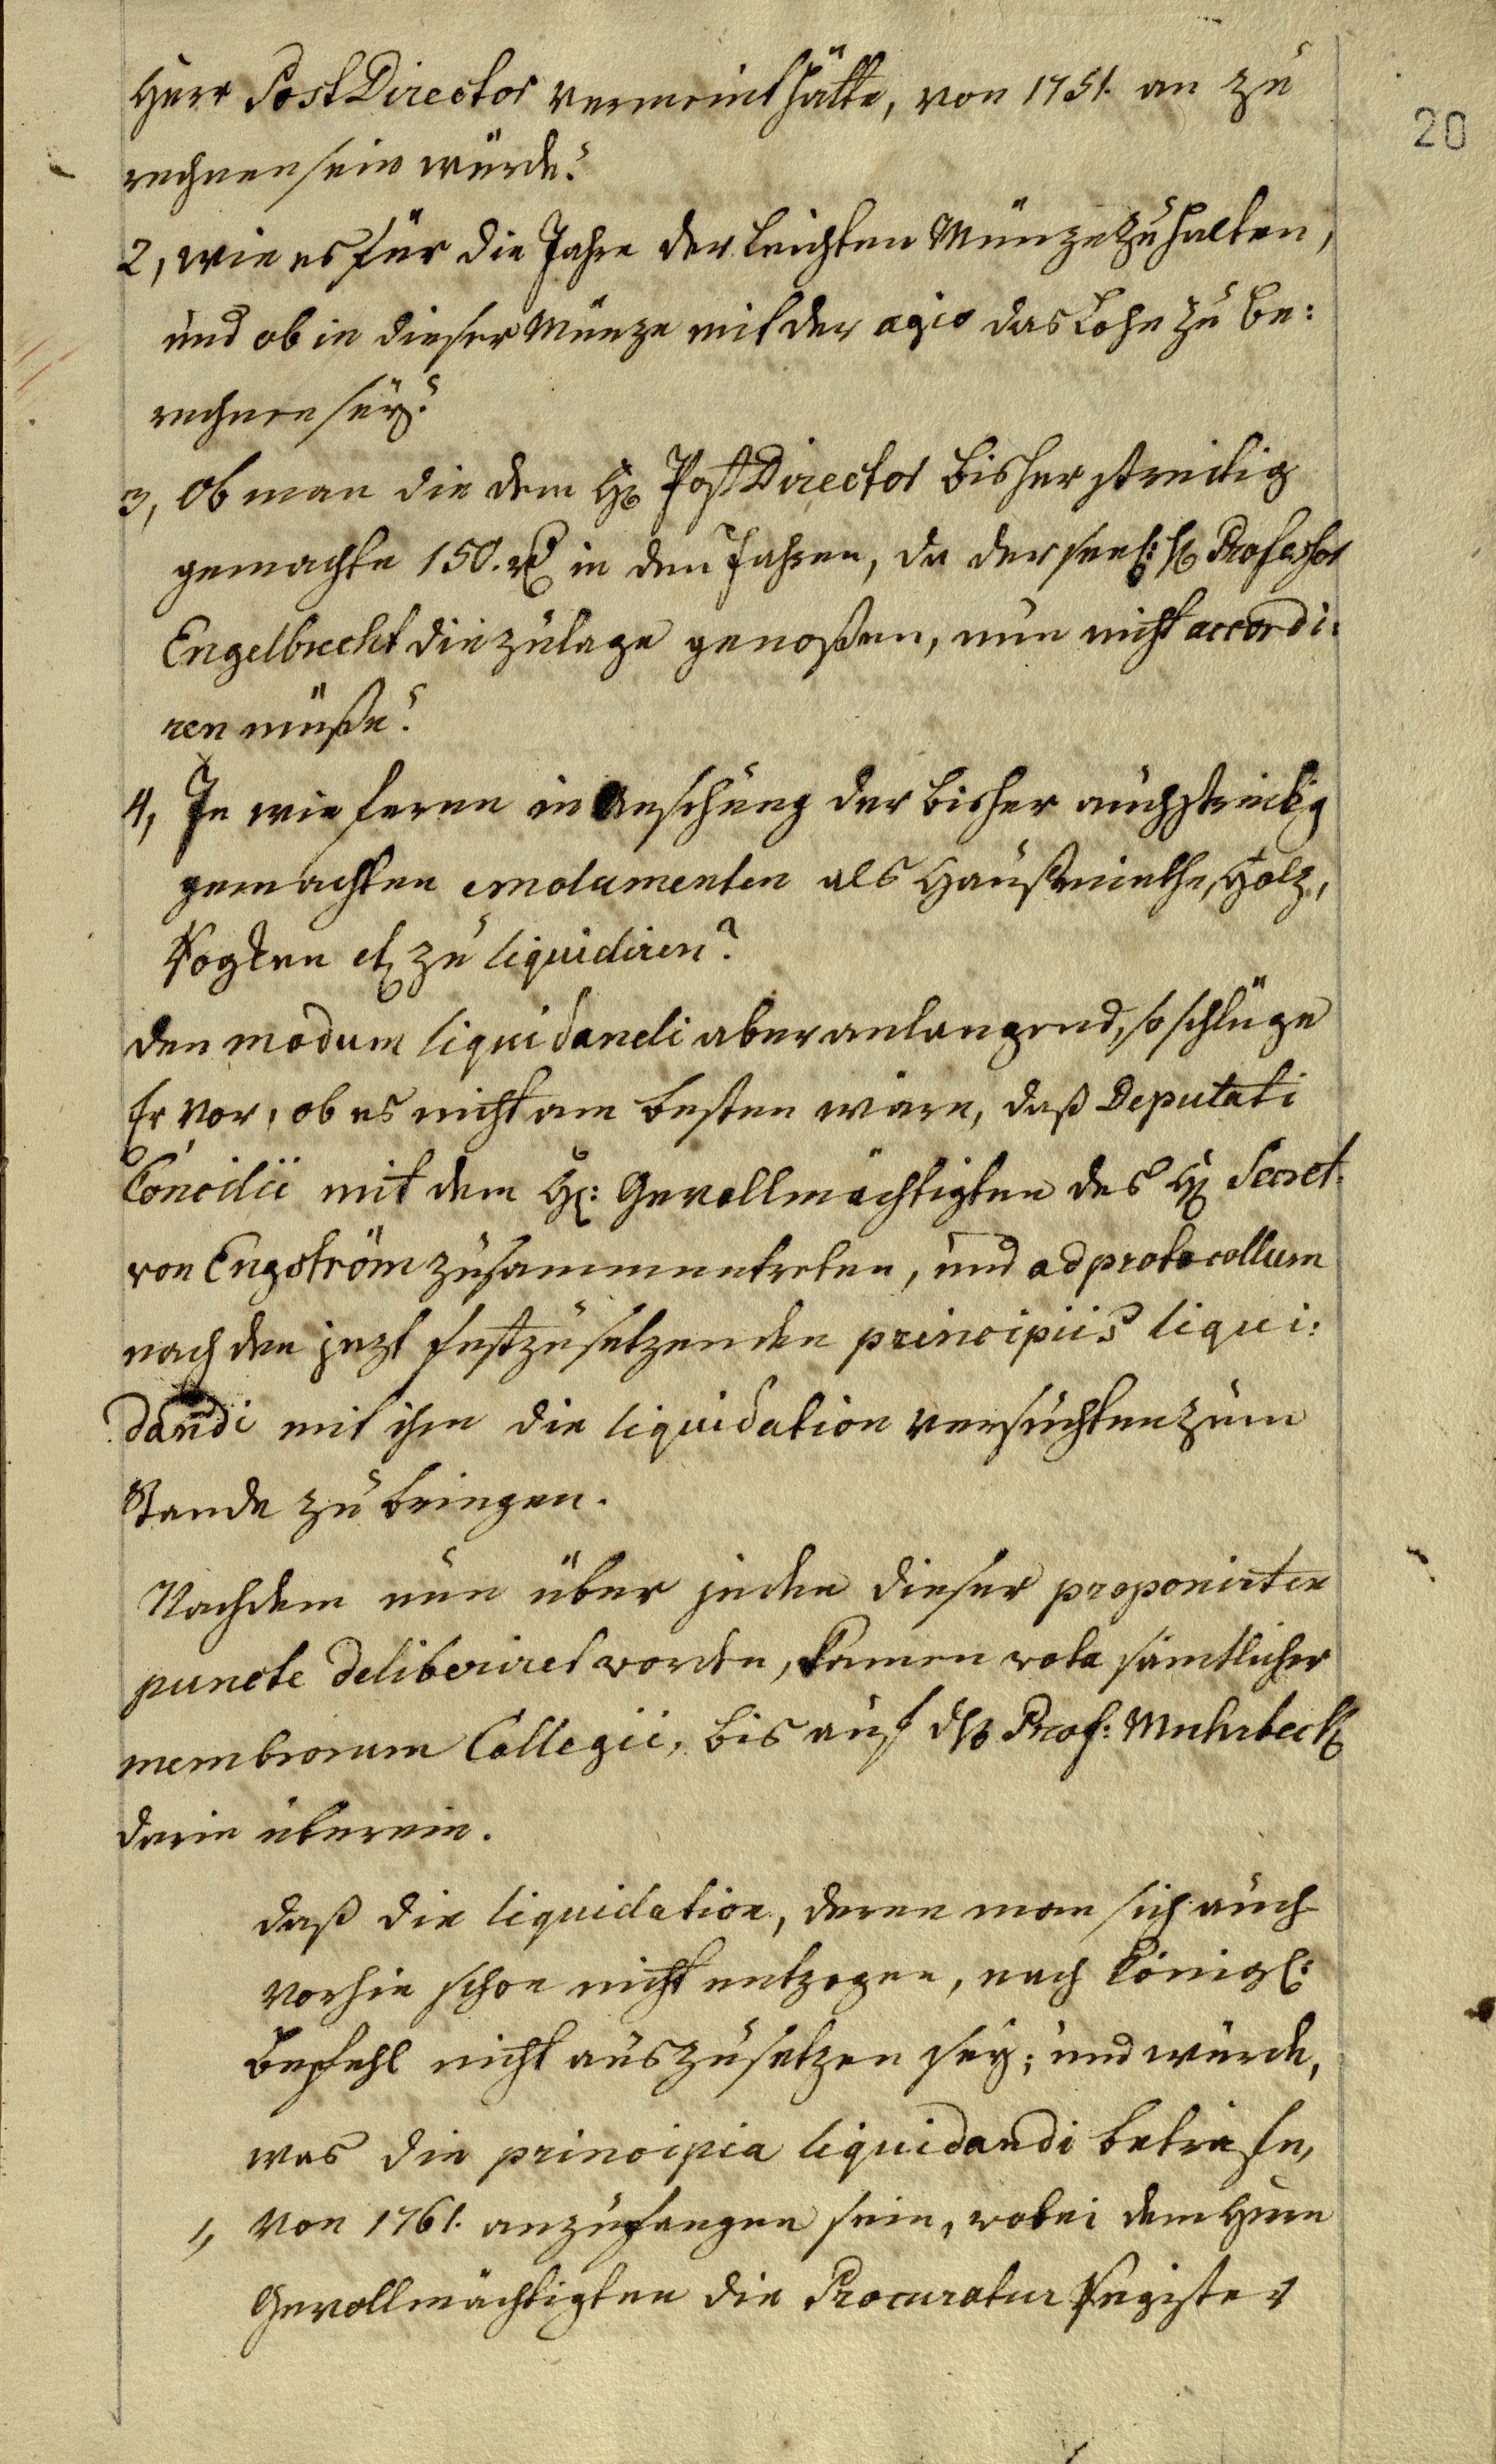Herr Post Director vermeint hätte, von 1751 an zu
rechnen sein würde?
2, wie es für die Jahre der leichten Münze zu halten,
und ob in dieser Münze mit der agio das Lohn zu be¬
rechnen seÿ?
3, ob man die dem H. PostDirector bisher streitig
gemachte 150 rt. in den Jahren, da der Seel. H. Professor
Engelbrecht die Zulage genoßen, nun nicht accordi¬
ren müße?
4, In wie ferne in Ansehung der bisher auch streitig
gemachten emolumenten als Hausmiethe, Holz,
Rogken et. zu liquidiren?
Den modum liquidandi aber anlangend, so schlüge
Er vor, ob es nicht am besten wäre, daß Deputati
Concilii mit dem H. Gevollmächtigten des H. Secret.
von Engström zusammentreten, und ad protocollum
nach dem jezt festzusetzenden principiis liqui¬
dandi mit ihm die liquidation versuchten zum
Stande zu bringen.
Nachdem nun über jeden dieser proponirten
puncte deliberiret worden, kamen vota sämtlicher
membrorum Collegii, bis auf dh Prof. Muhrbeck
darin überein.
Daß die liquidation, deren man sich auch
vorhin schon nicht entzogen, nach Königl.
Befehl nicht auszusetzen seÿ; und würde,
was die principia liquidandi beträfe,
1, von 1761. anzufangen sein, wobei dem Herrn
Gevollmächtigten die Procuratur Register